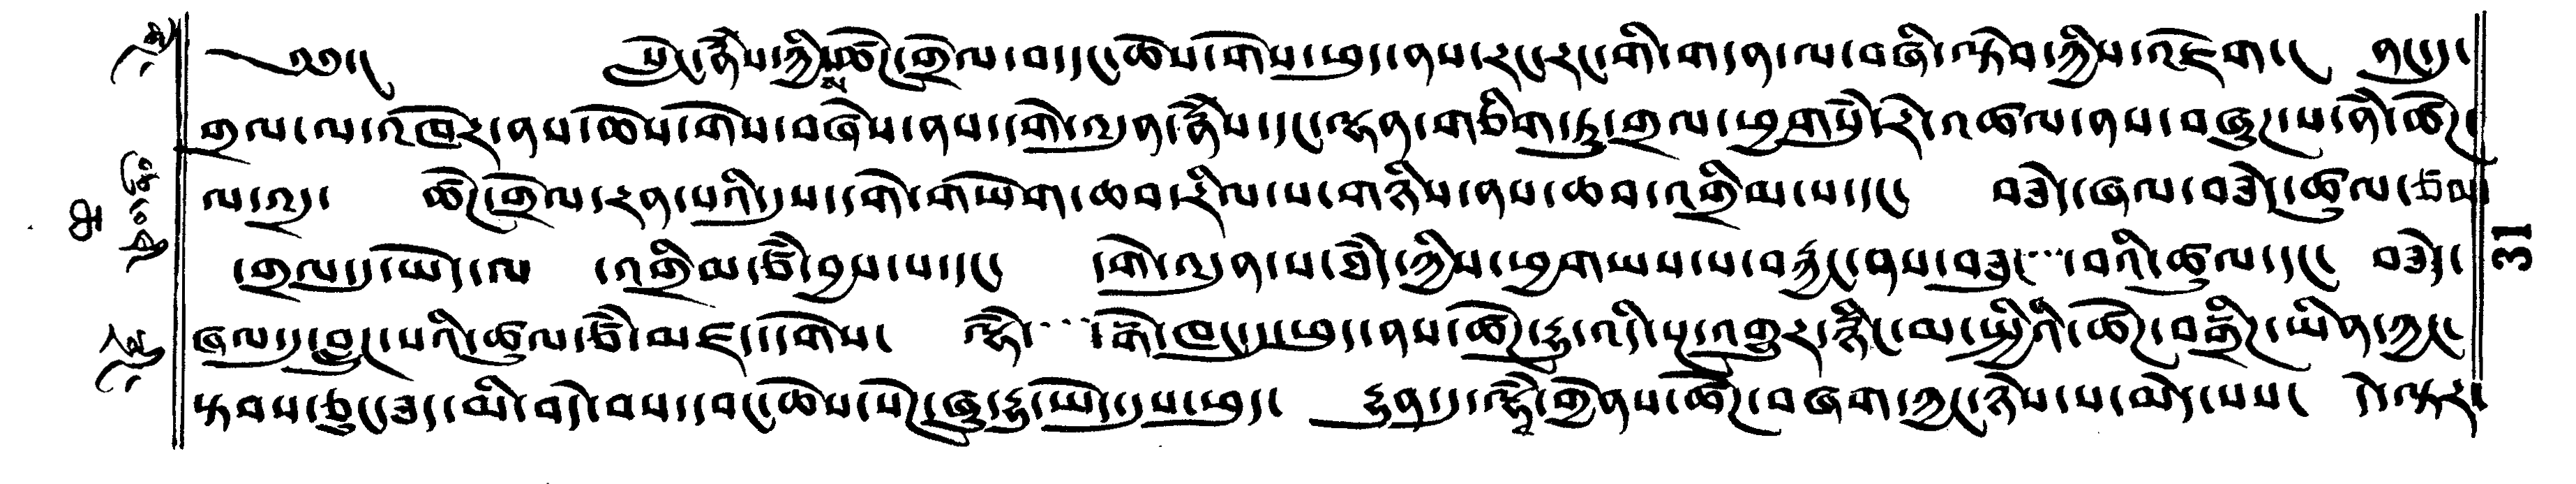སློང་རྣམས་ཀྱིས་ཚོགས་གྲོལ་བ་དང་ཆོས་གོས་ཕུད་ནས་རང་རང་གི་གདན་ལ་བཞི་ལྟེབ་ཀྱིས་འཇོག ནང་དུ་
གྲལ་ལ་འཁོད་སྟེ་ཆོས་གོས་བཞེས་ནས་དགེ་འདུན་རྣམས་དང་ལྷན་གཅིག་ཏུ་གྲལ་ཕྱག་གསུམ་རེ་འཚལ་ནས་བཞུགས་པ་ནམ་ཚོགས་
ལ་འདྲ། ཚོགས་གྲོལ་རན་པའི་དུས་དགེ་གཡོག་ཆབ་རིལ་པ་གཉིས་ནས་ཆབ་འགྲིམ་པ་དང་། བཟེད་ཞལ་བཟེད་ཚུལ་ཙམ་
གྲལ་དུ་ཡོད་ལ་འགྲིམ་ཙམ་བྱས་པ་དང་། དགེ་འདུན་པ་ཐམས་ཅད་ཀྱིས་ཕྱག་གཡས་པ་བརྐྱང་ནས་བཟུང་བའི་ཚུལ་དང་། བཟེད་
ཞལ་དུ་ལུགས་པའི་ཚུལ་ཙམ་མཛད་དགོས། ལྷམ་སྒོ་ཁང་དུ་ཕུད་ནས་ཚོགས་རྒྱུ་འདི་སྔ་འགྱུར་རྙིང་མ་སྤྱིའི་ཚོགས་བསྒྲིགས་ཡིན་ཀྱང་
སྟབས་ཅུང་ཟད་མི་བདེ་བས་དབང་ཆོས་སོགས་ཞུ་རྒྱུ་ཡོད་དུས་ཕུད། རྒྱུན་དུ་ལྷྭམ་གྱོན་ནས་ཚོགས་བཞག་ཀྱང་ཉེས་པ་མེད་པས། དེ་ལྟར་